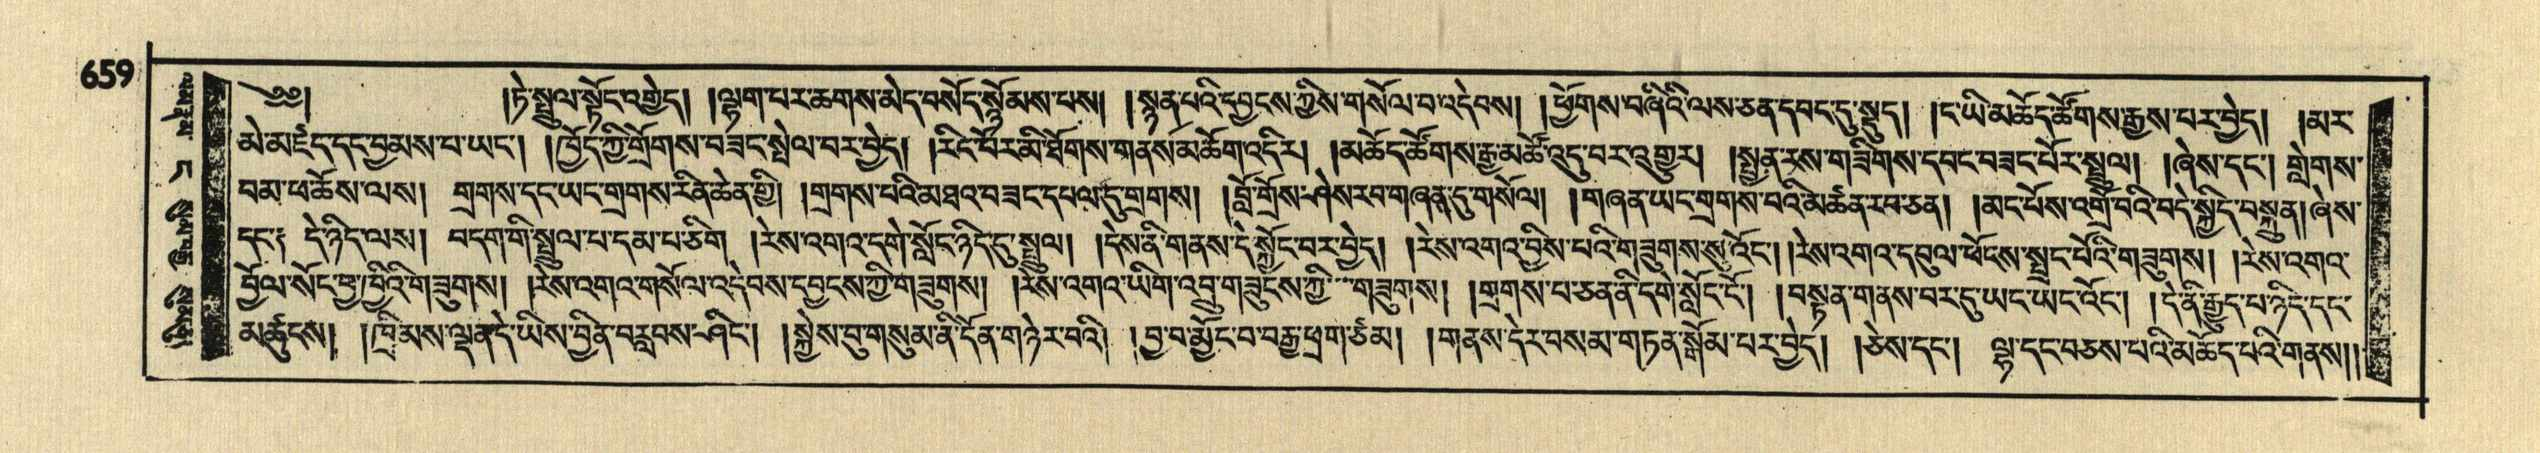༄༅། །ཏེ་སྤྲུལ་སྟོང་འགྱེད། །ལྷག་པར་ཆགས་མེད་བསོད་སྙོམས་པས། །སྙན་པའི་དབྱངས་ཀྱིས་གསོལ་བ་འདེབས། །ཕྱོགས་བཞིའི་ལས་ཅན་དབང་དུ་སྡུད། །ང་ཡི་མཆོད་ཚོགས་རྒྱས་པར་བྱེད། །མར་
མེ་མཛད་དང་བྱམས་པ་ཡང་། །ཁྱོད་ཀྱི་གྲོགས་བཟང་སྤེལ་བར་བྱེད། །རིང་པོར་མི་ཐོགས་གནས་མཆོག་འདིར། །མཆོད་ཚོགས་རྒྱ་མཚོ་འདུ་བར་འགྱུར། །སྤྱན་རས་གཟིགས་དབང་བཟང་པོར་སྤྲུལ། །ཞེས་དང་། གླེགས་
བམ་ཕ་ཆོས་ལས། གྲགས་དང་ཡང་གྲགས་རིན་ཆེན་གྱི། །གྲགས་པའི་མཐའ་བཟང་དཔལ་དུ་གྲགས། །བློ་གྲོས་ཤེས་རབ་གཞན་དུ་གསོལ། །གཞན་ཡང་གྲགས་པའི་མཚན་རབ་ཅན། །མང་པོས་འགྲོ་བའི་བདེ་སྐྱིད་བསྐྲུན། ཞེས་
དང༑ དེ་ཉིད་ལས། བདག་གི་སྤྲུལ་པ་དམ་པ་ཅིག །རེས་འགའ་དགེ་སློང་ཉིད་དུ་སྤྲུལ། །དེས་ནི་གནས་དེ་སྐྱོང་བར་བྱེད། །རེས་འགའ་བྱིས་པའི་གཟུགས་སུ་འོང་། །རེས་འགའ་དབུལ་ཕོངས་སྤྲང་པོའི་གཟུགས། །རེས་འགའ་
བྱོལ་སོང་བྱ་ཁྱིའི་གཟུགས། །རེས་འགའ་གསོལ་འདེབས་དབྱངས་ཀྱི་གཟུགས། །རེས་འགའ་ཡིག་འབྲུ་གཟུངས་ཀྱི་གཟུགས། །གྲགས་པ་ཅན་ནི་དགེ་སློང་ངོ། །བསྟན་གནས་བར་དུ་ཡང་ཡང་འོང་། །དེ་ནི་རྒྱུད་པ་ཉིད་དང་
མཚུངས། །ཁྲིམས་ལྡན་དེ་ཡིས་བྱིན་བརླབས་ཤིང་། །སྐྱེས་བུ་གསུམ་ནི་དོན་གཉེར་བའི། །བྱ་བ་མྱོང་བ་བརྒྱ་ཕྲག་ཙམ། །གནས་དེར་བསམ་གཏན་སྒོམ་པར་བྱེད། །ཅེས་དང་། ལྷ་དང་བཅས་པའི་མཆོད་པའི་གནས། །